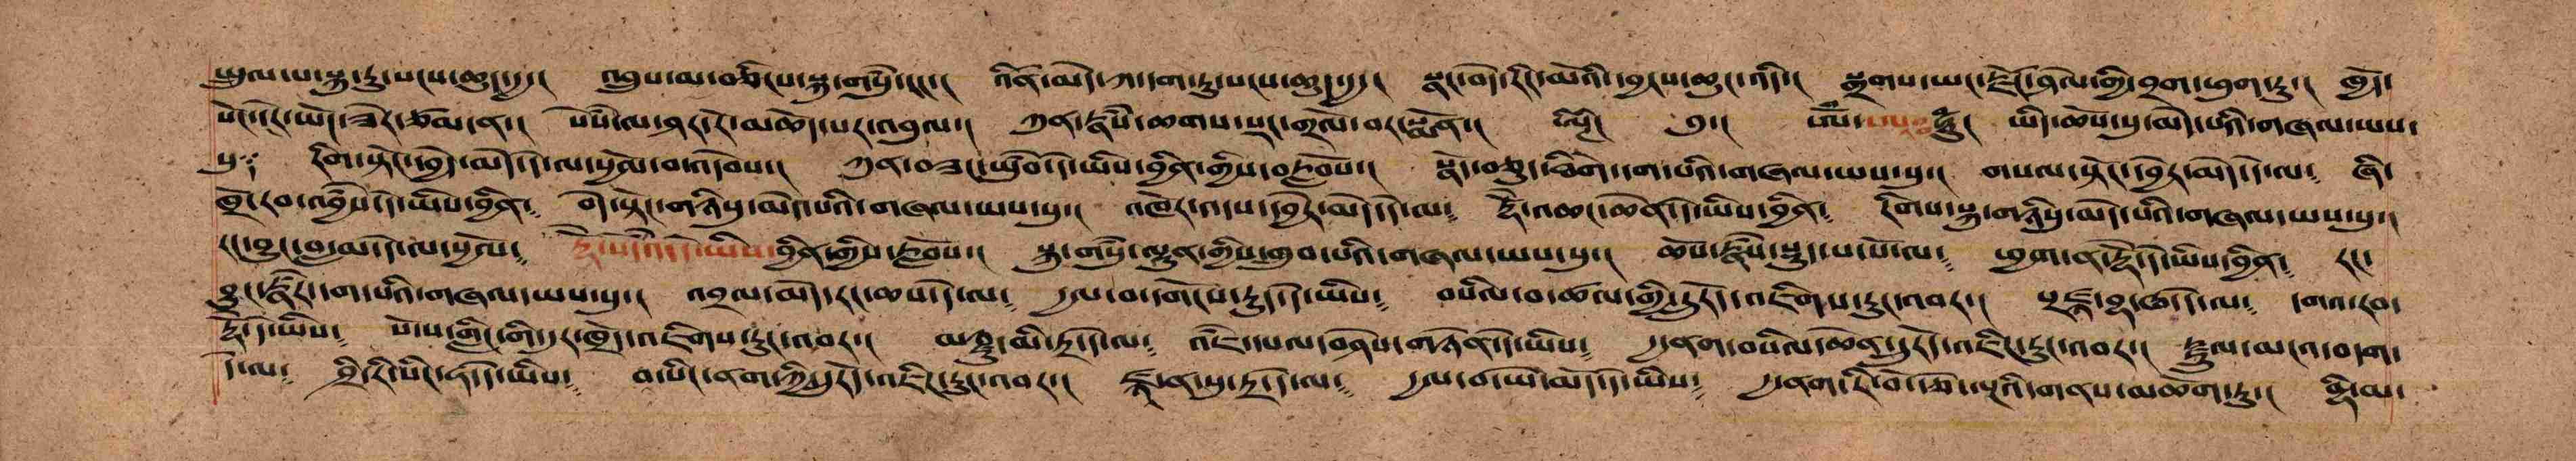སྤྲུལ་པ་སྐུ་རུ་སངས་ཆུད་རྒྱ། འབྲས་བུས་མ་བཅིངས་སྐུ་གསུམ་ངང་། འཛིན་མེད་ཀ་དག་ཏུ་སངས་ཆུད་རྒྱ། སྣང་བདེ་རིང་མོའི་དབྱངས་ཆུང་འདི། སྒྲགས་ཡང་རྫོང་ཤེལ་གྱི་བྲག་ཕུག་ཏུ། ཁྱོད་
སེང་ངེང་ཡོང་ཟེར་ཙམ་ན། སེམས་ལ་ཤར་རོ་མཆོད་པར་འབུལ། ཀུན་རྣམས་ཆགས་སྡང་གྲོལ་བར་སྨོན། ཨིཊི། ཨོཾ་ཨཿཧཱུཾ། ཡིད་ཆོས་སུ་མེད་པའི་གཞལ་ཡས་
སུ༑ རིག་སྟོང་ཕྱོགས་མེད་དེ་ལ་གསོལ་བ་འདེབས། ཀུན་བཟང་ཡབ་ཡུམ་དེ་ཡིས་བྱིན་གྱིས་བརློབས། སྣོད་བཅུད་ཐིག་ལེ་དག་པའི་གཞལ་ཡས་སུ། གསལ་སྟོང་དབྱེར་མེད་དེ་ལ། ཞི་
ཁྲོ་རབ་འབྱམས་དེ་ཡིས་བྱིན། བདེ་སྟོང་གཉིས་སུ་མེད་པའི་གཞལ་ཡས་སུ། འཁོར་འདས་དབྱེར་མེད་དེ་ལ། རྡོ་རྗེ་འཆང་ཆེན་དེ་ཡིས་བྱིན། རིགས་སྐུ་གཉིས་སུ་མེད་པའི་གཞལ་ཡས་སུ། 
རང་བྱུང་བླ་མ་དེ་ལ་གསོལ། རྡོ་རྗེ་སེམས་དཔའ་དེ་ཡིས་བྱིན་གྱིས་རློབས། སྐུ་གསུམ་ལྷུན་གྱིས་གྲུབ་པའི་གཞལ་ཡས་སུ། ཆོས་རྣམས་སྡུད་པ་པོ་ལ། ཕྱག་ན་རྡོ་རྗེ་དེ་ཡིས་བྱིན། རང་
བྱུང་རྣམ་པར་དག་པའི་གཞལ་ཡས་སུ། འབྲལ་མེད་རང་ཆས་དེ་ལ་གསོལ་བ་འདེབས། རྒྱལ་བ་དགོངས་རྒྱུད་དེ་ཡིས་བྱིན་གྱིས་བརློབས། བསིལ་བ་ཚལ་གྱི་དུར་ཁྲོད་འཇིགས་རུང་འབར། སྔཛྙ་བྷ་ཚ་དེ་ལ་ གསོལ་བ་འདེབས། དགའ་རབ་
རྡོ་རྗེ་དེ་ཡིསབྱིན་གྱིས་བརློབས།། སོ་པ་གླིང་གི་དུར་ཁྲོད་འཇིགས་རུང་འབར། མཉྗུ་མི་ཏྲ་དེ་ལ་གསོལ་བ་འདེབས། འཇམ་དཔལ་བཤེས་གཉེན་དེ་ཡིས་བྱིན་གྱིས་བརློབས། རྒྱ་ནག་བསིལ་ཆེན་དུར་ཁྲོད་འཇིགས་རུང་འབར། རྫུལ་འཕྲུལ་མངའ་བདག་
དེ་ལ་གསོལ་བ་འདེབས། ཤྲི་རི་སེང་ཧ་དེ་ཡིས་བྱིན་གྱིས་བརློབས།། བ་སིང་ནག་ཀྱི་དུར་ཁྲོད་འཇིགས་རུང་འབར། ཛྙ་ན་སུ་ཏྲ་དེ་ལ་གསོལ་བ་འདེབས། རྒྱལ་བ་ཡོ་མོད་དེ་ཡིསབྱིན་གྱིས་བརློབས། རྒྱ་ནག་རི་བོ་རྩེ་ལྔའི་གནས་མཆོག་ཏུ། བྷི་མ་